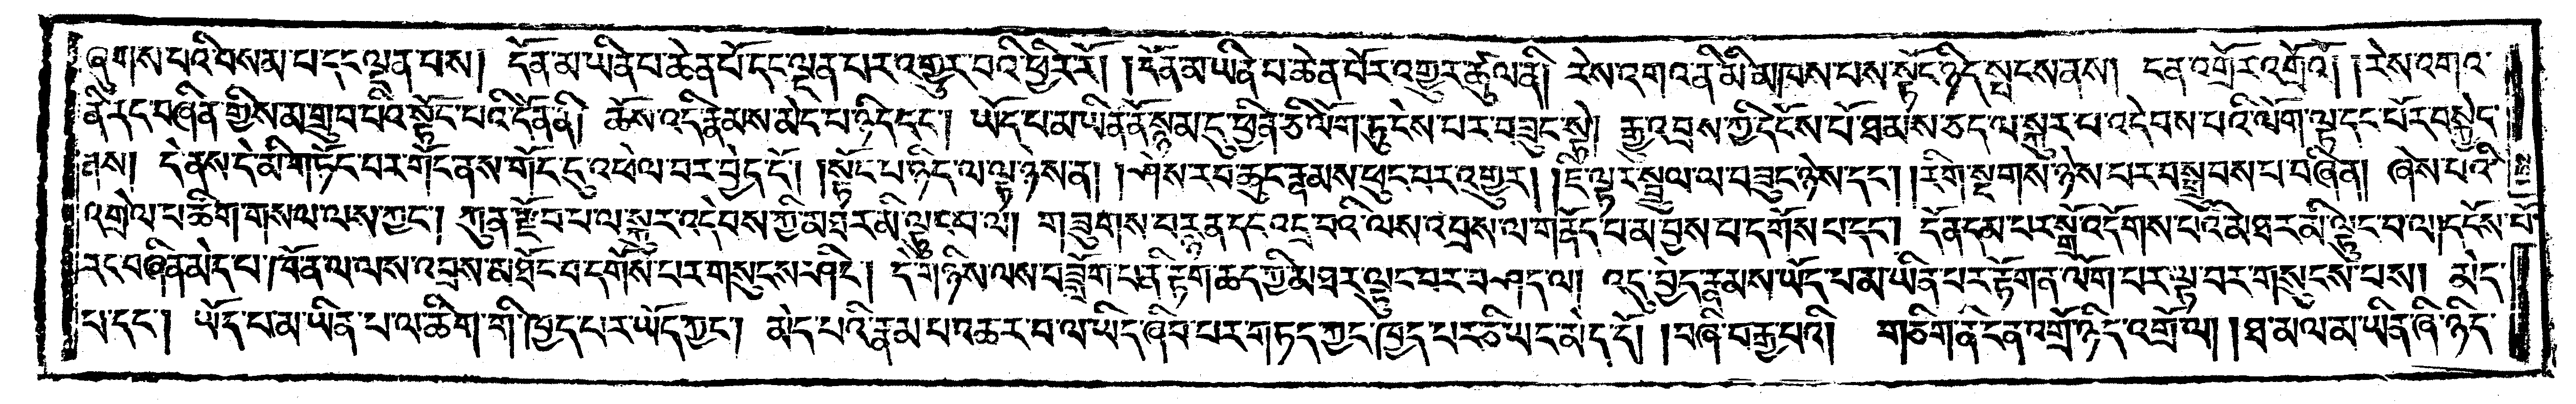ཞུགས་པའི་བསམ་པ་དང་ལྡན་པས། དོན་མ་ཡིན་པ་ཆེན་པོ་དང་ལྡན་པར་འགྱུར་བའི་ཕྱིར་རོ། །དོན་མ་ཡིན་པ་ཆེན་པོར་འགྱུར་ཚུལ་ནི། རེས་འགའ་ནི་མི་མཁས་པས་སྟོང་ཉིད་སྤངས་ནས། ངན་འགྲོར་འགྲོའོ། །རེས་འགའ་
ནི་རང་བཞིན་གྱིས་མ་གྲུབ་པའི་སྟོང་པའི་དོན་ནི། ཆོས་འདི་རྣམས་མེད་པ་ཉིད་དང་། ཡོད་པ་མ་ཡིན་ནོ་སྙམ་དུ་ཕྱིན་ཅི་ལོག་ཏུ་ངེས་པར་བཟུང་སྟེ། རྒྱུ་འབྲས་ཀྱི་དངོས་པོ་ཐམས་ཅད་ལ་སྐུར་པ་འདེབས་པའི་ལོག་ལྟ་དང་པོར་བསྐྱེད་
ནས། དེ་ནས་དེ་མི་གཏོང་བར་གོང་ནས་གོང་དུ་འཕེལ་བར་བྱེད་དོ། །སྟོང་པ་ཉིད་ལ་ལྟ་ཉེས་ན། །ཤེས་རབ་ཆུང་རྣམས་ཕུང་བར་འགྱུར། །ཇི་ལྟར་སྦྲུལ་ལ་བཟུང་ཉེས་དང་། །རིག་སྔགས་ཉེས་པར་བསྒྲུབས་པར་བཞིན། །ཞེས་པའི་
འགྲེལ་པ་ཚིག་གསལ་ལས་ཀྱང་། ཀུན་རྫོབ་པ་ལ་སྐུར་འདེབས་ཀྱི་མཐར་མི་ལྟུང་བ་ལ། གཟུགས་བརྙན་དང་འདྲ་བའི་ལས་འབྲས་ལ་གནོད་པ་མ་བྱས་པ་དགོས་པ་དང་། དོན་དམ་པར་སྒྲོ་འདོགས་པའི་མཐར་མི་ལྟུང་བ་ལ། དངོས་པོ་
རང་བཞིན་མེད་པ་ཁོ་ན་ལ་ལས་འབྲས་མཐོང་བ་དགོས་པར་གསུངས་ཤིང་། དེ་གཉིས་ལས་བཟློག་པ་ནི་རྟག་ཆད་ཀྱི་མཐར་ལྟུང་བར་བཤད་ལ། འདུ་བྱེད་རྣམས་ཡོད་པ་མ་ཡིན་པར་རྟོག་ན་ལོག་པར་ལྟ་བར་གསུངས་པས། མེད་
པ་དང་། ཡོད་པ་མ་ཡིན་པ་ལ་ཚིག་གི་ཁྱད་པར་ཡོད་ཀྱང་། མེད་པའི་རྣམ་པ་འཆར་བ་ལ་ཡིད་ཞིབ་པར་གཏད་ཀྱང་ཁྱད་པར་ཅི་ཡང་མེད་དོ། །བཞི་བརྒྱ་པའི། གཅིག་ནི་ངན་འགྲོ་ཉིད་འགྲོ་ལ། །ཐ་མལ་མ་ཡིན་ཞི་ཉིད་